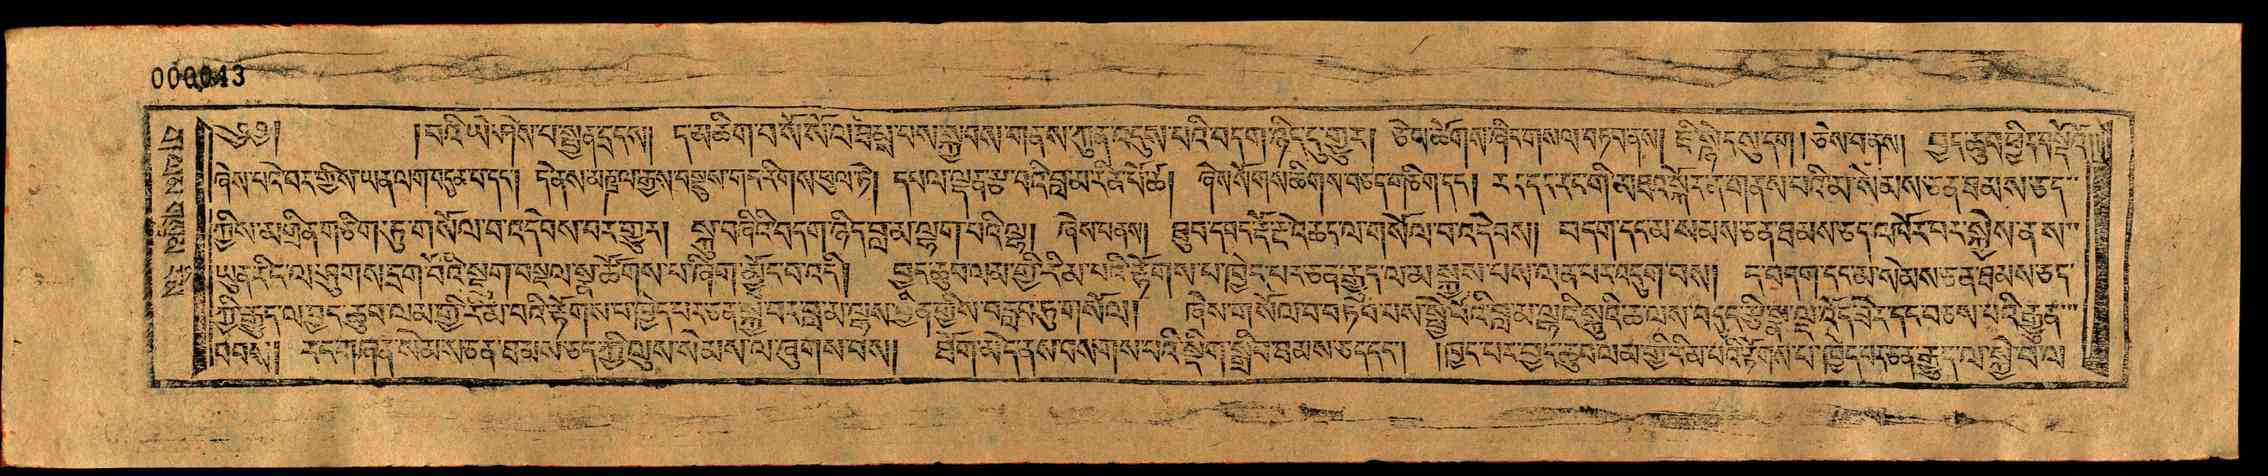༄༅། །པའི་ཡེ་ཤེས་པ་སྤྱན་དྲངས། དམ་ཚིག་པ་སོ་སོ་ལ་ཐིམས་པས་སྐྱབས་གནས་ཀུན་འདུས་པའི་བདག་ཉིད་དུ་གྱུར། ཅེས་ཚོགས་ཞིང་གསལ་བཏབ་ནས། ཇི་སྙེད་སུ་དག ། ཅེས་པ་ནས། བྱང་ཆུབ་ཕྱིར་བསྔོའོ།།
ཞེས་པའི་བར་གྱིས་ཡན་ལག་བདུན་པ་དང་། དེ་ནས་མཎྜལ་རྒྱས་བསྡུས་གང་རིགས་ཕུལ་ཏེ། དཔལ་ལྡན་རྩ་བའི་བླ་མ་རིན་པོ་ཆེ། ཞེས་སོགས་ཚིགས་བཅད་གཅིག་དང། རང་དང་རང་གི་མཐའ་སྐོར་ན་གནས་པའི་མ་སེམས་ཅན་ཐམས་ཅད་
ཀྱིས་མགྲིན་གཅིག་ཏུ་གསོལ་བ་འདེབས་པར་གྱུར། སྐུ་བཞིའི་བདག་ཉིད་བླ་མ་ལྷག་པའི་ལྷ། ཞེས་པ་ནས། ཐུབ་དབང་རྡོ་རྗེ་འཆང་ལ་གསོལ་བ་འདེབས། བདག་དང་མ་སེམས་ཅན་ཐམས་ཅད་འཁོར་བར་སྐྱེས་ནས་
ཡུན་རིང་ལ་ཤུགས་དྲག་པའི་སྡུག་བསྔལ་སྣ་ཚོགས་པ་ཞིག་མྱོང་བ་འདི། བྱང་ཆུབ་ལམ་གྱི་རིམ་པའི་རྟོགས་པ་ཁྱད་པར་ཅན་རྒྱུད་ལ་མ་སྐྱེས་པས་ལན་པར་འདུག་པས། དེ་བདག་དང་མ་སེམས་ཅན་ཐམས་ཅད་
ཀྱི་རྒྱུད་ལ་བྱང་ཆུབ་ལམ་གྱི་རིམ་པའི་རྟོགས་པ་ཁྱད་པར་ཅན་སྐྱེ་བར་བླ་མ་ལྷས་བྱིན་གྱིས་བརླབ་ཏུ་གསོལ། ཞེས་གསོལ་བ་བཏབ་པས་སྤྱི་བོའི་བླ་མ་ལྷའི་སྐུའི་ཆ་ལས་བདུད་རྩི་སྣ་ལྔ་འོད་ཟེར་དང་བཅས་པའི་རྒྱུན་
བབས། རང་གཞན་སེམས་ཅན་ཐམས་ཅད་ཀྱི་ལུས་སེམས་ལ་ཞུགས་པས། ཐོག་མེད་ནས་བསགས་པའི་སྡིག་སྒྲིབ་ཐམས་ཅད་དང་། ཁྱད་པར་བྱང་ཆུབ་ལམ་གྱི་རིམ་པའི་རྟོགས་པ་ཁྱད་པར་ཅན་རྒྱུད་ལ་སྐྱེ་བ་ལ་